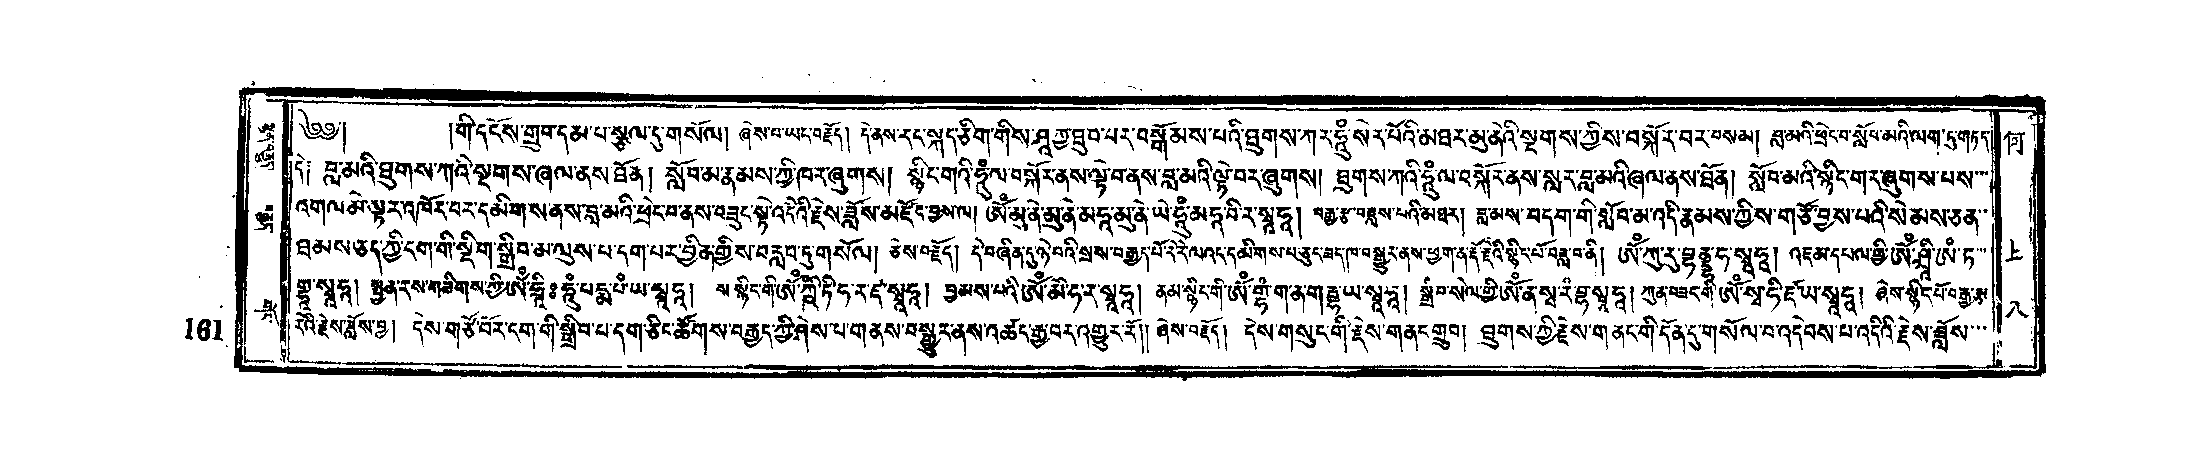༄༅། །གི་དངོས་གྲུབ་དམ་པ་སྩལ་དུ་གསོལ། ཞེས་པ་ཡང་བརྗོད། དེ་ནས་རང་སྐད་ཅིག་གིས་ཤཱཀྱ་ཐུབ་པར་བསྒོམས་པའི་ཐུགས་ཀར་ཧཱུཾ་སེར་པོའི་མཐར་མུ་ནེའི་སྔགས་ཀྱིས་བསྐོར་བར་བསམ། བླ་མའི་ཕྲེང་བ་སློབ་མའི་ལག་ཏུ་གཏད་
དེ། བླ་མའི་ཐུགས་ཀའི་སྔགས་ཞལ་ནས་ཐོན། སློབ་མ་རྣམས་ཀྱི་ཁར་ཞུགས། སྙིང་གའི་ཧཱུཾ་ལ་བསྐོར་ནས་ལྟེ་བ་ནས་བླ་མའི་ལྟེ་བར་ཞུགས། ཐུགས་ཀའི་ཧཱུཾ་ལ་བསྐོར་ནས་སླར་བླ་མའི་ཞལ་ནས་ཐོན། སློབ་མའི་སྙིང་གར་ཞུགས་པས་
འགལ་མེད་ལྟར་འཁོར་བར་དམིགས་ནས་བླ་མའི་ཕྲེང་བ་ནས་བཟུང་སྟེ་འདིའི་རྗེས་ཟློས་མཛོད་བྱས་ལ། ཨོཾ་མུ་ནེ་མུ་ནེ་མཧཱ་མུ་ནེ་ཡེ་ཧཱུཾ་མཧཱ་བི་ར་སྭཱཧཱ། བརྒྱ་རྩ་བཟླས་པའི་མཐར། བླ་མས་བདག་གི་སློབ་མ་འདི་རྣམས་ཀྱིས་གཙོ་བྱས་པའི་སེམས་ཅན་
ཐམས་ཅད་ཀྱི་ངག་གི་སྡིག་སྒྲིབ་མ་ལུས་པ་དག་པར་བྱིན་གྱིས་བརླབ་ཏུ་གསོལ། ཅེས་བརྗོད། དེ་བཞིན་དུ་ཉེ་བའི་སྲས་བརྒྱད་པོ་རེ་རེ་ལའང་དམིགས་པ་ཅུང་ཟད་ཁ་བསྒྱུར་ནས་ཕྱག་ན་རྡོ་རྗེའི་སྙིང་པོ་བཟླ་བ་ནི། ཨོཾ་ཀུ་རུ་བྷནྡྷ་ཧ་སྭཱཧཱ། འཇམ་དཔལ་གྱི་ཨོཾ་ཤྲཱི་ཨཾ་ཏ་
གྷཱ་སྭཱཧཱ། སྤྱན་རས་གཟིགས་ཀྱི་ཨོཾ་ཧྲཱིཿ ཧཱུཾ་པདམ་པཾ་ཡ་སྭཱཧཱ། ས་སྙིང་གི་ཨོཾ་ཀྵིཾ་ཏི་ཧ་ར་ཛ་སྭཱཧཱ། བྱམས་པའི་ཨོཾ་མཻ་ཧ་ར་སྭཱཧཱ། ནམ་སྙིང་གི་ཨོཾ་གྷཾ་ག་ན་གརྦྷ་ཡ་སྭཱཧཱ། སྒྲིབ་སེལ་གྱི་ཨོཾ་ན་སྭ་རཾ་བྷ་སྭཱཧཱ། ཀུན་བཟང་གི་ཨོཾ་སྭ་ཧི་ཛ་ཡ་སྭཱཧཱ། ཞེས་སྙིང་པོ་བརྒྱ་རྩ་
རེའི་རྗེས་ཟློས་བྱ། དེས་གཙོ་བོར་ངག་གི་སྒྲིབ་པ་དག་ཅིང་ཚོགས་བརྒྱད་ཀྱི་ཤེས་པ་གནས་བསྒྱུར་ནས་འཚང་རྒྱ་བར་འགྱུར་རོ། །ཞེས་བརྗོད། དེས་གསུང་གི་རྗེས་གནང་གྲུབ། ཐུགས་ཀྱི་རྗེས་གནང་གི་དོན་དུ་གསོལ་བ་འདེབས་པ་འདིའི་རྗེས་ཟློས་